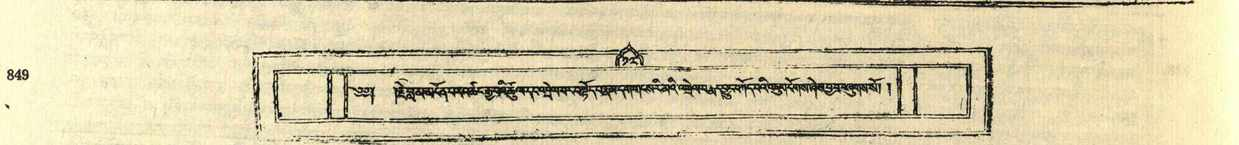༄༅། །རྗེ་བླ་མ་མངོན་པར་འཚང་རྒྱ་བའི་ཚུལ་དང་འབྲེལ་བར་བསྟོད་པ་རྣམ་དག་གང་སྲི་མའི་འགྲེལ་བ་རྨད་བྱུང་བཀོད་པའི་འཇུག་ངོགས་ཞེས་བྱ་བ་བཞུགས་སོ། །